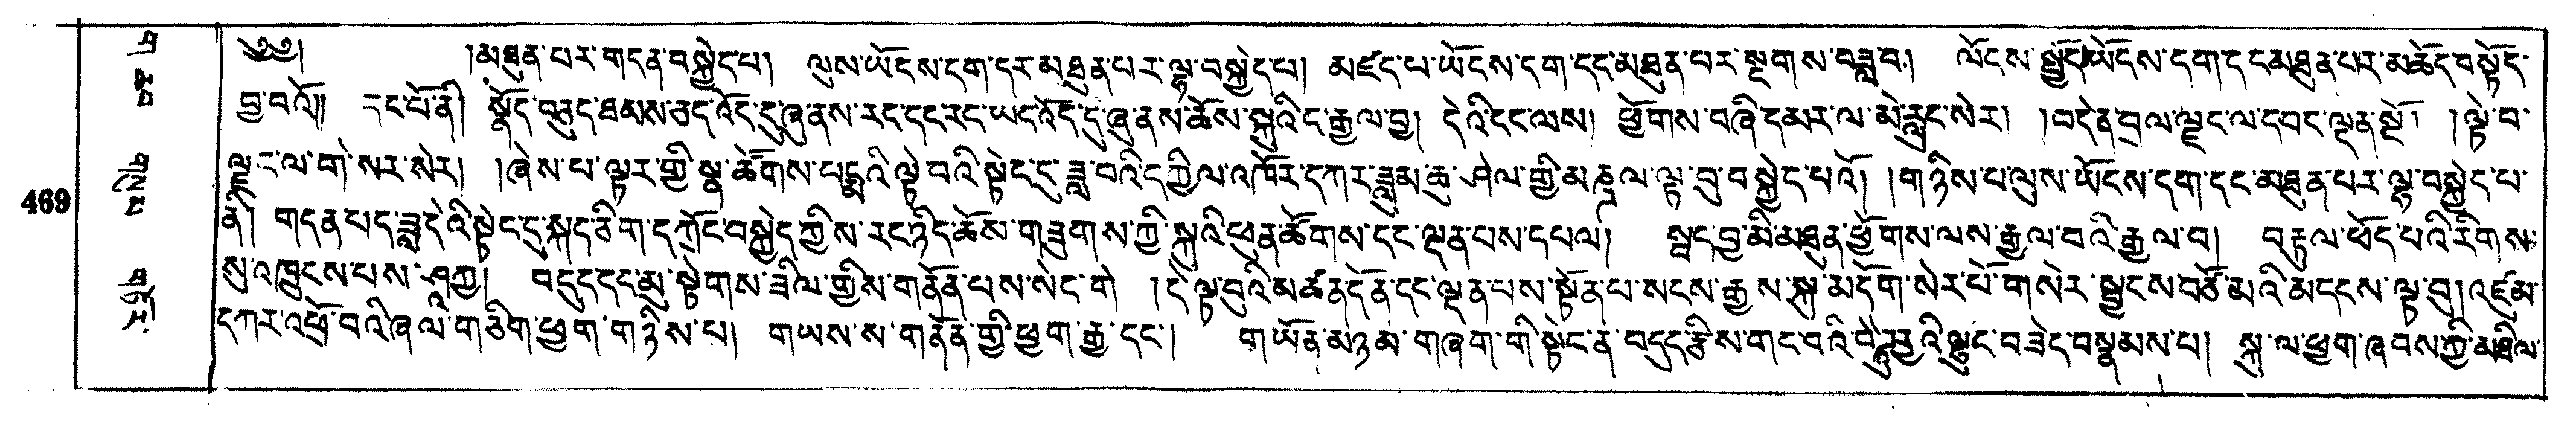༄༅། །མཐུན་པར་གདན་བསྐྱེད་པ། ལུས་ཡོངས་དག་དར་མཐུན་པར་ལྷ་བསྐྱེད་པ། མཛད་པ་ཡོངས་དག་དང་མཐུན་པར་སྔགས་བཟླ་བ། ལོངས་སྤྱོད་ཡོངས་དག་དང་མཐུན་པར་མཆོད་བསྟོད་
བྱ་བའོ།། དང་པོ་ནི། སྣོད་བཅུད་ཐམས་ཅད་འོད་དུ་ཞུ་ནས་རང་དང་རང་ཡང་འོད་དུ་ཞུ་ནས་ཆོས་སྐུའི་ང་རྒྱལ་བྱ། དེའི་ངང་ལས། ཕྱོགས་བཞི་དམར་ལ་མེ་རླུང་སེར། །བདེན་བྲལ་ལྗང་ལ་དབང་ལྡན་སྔོ། །ལྟེ་བ་
ལྗང་ལ་གེ་སར་སེར། །ཞེས་པ་ལྟར་གྱི་སྣ་ཚོགས་པདམའི་ལྟེ་བའི་སྟེང་དུ་ཟླ་བའི་དཀྱིལ་འཁོར་དཀར་ཟླུམ་ཆུ་ཤེལ་གྱི་མཎྜལ་ལྟ་བུ་བསྐྱེད་པའོ། །གཉིས་པ་ལུས་ཡོངས་དག་དང་མཐུན་པར་ལྷ་བསྐྱེད་པ་
ནི། གདན་པད་ཟླ་དེའི་སྟེང་དུ་སྐད་ཅིག་དཀྲོང་བསྐྱེད་ཀྱིས་རང་ཉིད་ཆོས་གཟུགས་ཀྱི་སྐུའི་ཕུན་ཚོགས་དང་ལྡན་པས་དཔལ། སྦད་བྱ་མི་མཐུན་ཕྱོགས་ལས་རྒྱལ་བའི་རྒྱལ་བ། བརྟུལ་ཕོད་པའི་རིགས་
སུ་འཁྲུངས་པས་ཤཱཀྱ། བདུད་དང་མུ་སྟེགས་ཟིལ་གྱིས་གནོན་པས་སེང་གེ །དེ་ལྟ་བུའི་མཚན་དོན་དང་ལྡན་པས་སྟོན་པ་སངས་རྒྱས་སྐུ་མདོག་སེར་པོ་གསེར་སྦྱངས་བཙོ་མའི་མདངས་ལྟ་བུ། འཛུམ་
དཀར་འཕྲོ་བའི་ཞལ་གཅིག་ཕྱག་གཉིས་པ། གཡས་ས་གནོན་གྱི་ཕྱག་རྒྱ་དང་། གཡོན་མཉམ་གཞག་གི་སྟེང་ན་བདུད་རྩིས་གང་བའི་བཻཌཱུརྱའི་ལྷུང་བཟེད་བསྣམས་པ། སྐུ་ལ་ཕྱག་ཞབས་ཀྱི་མཐིལ་